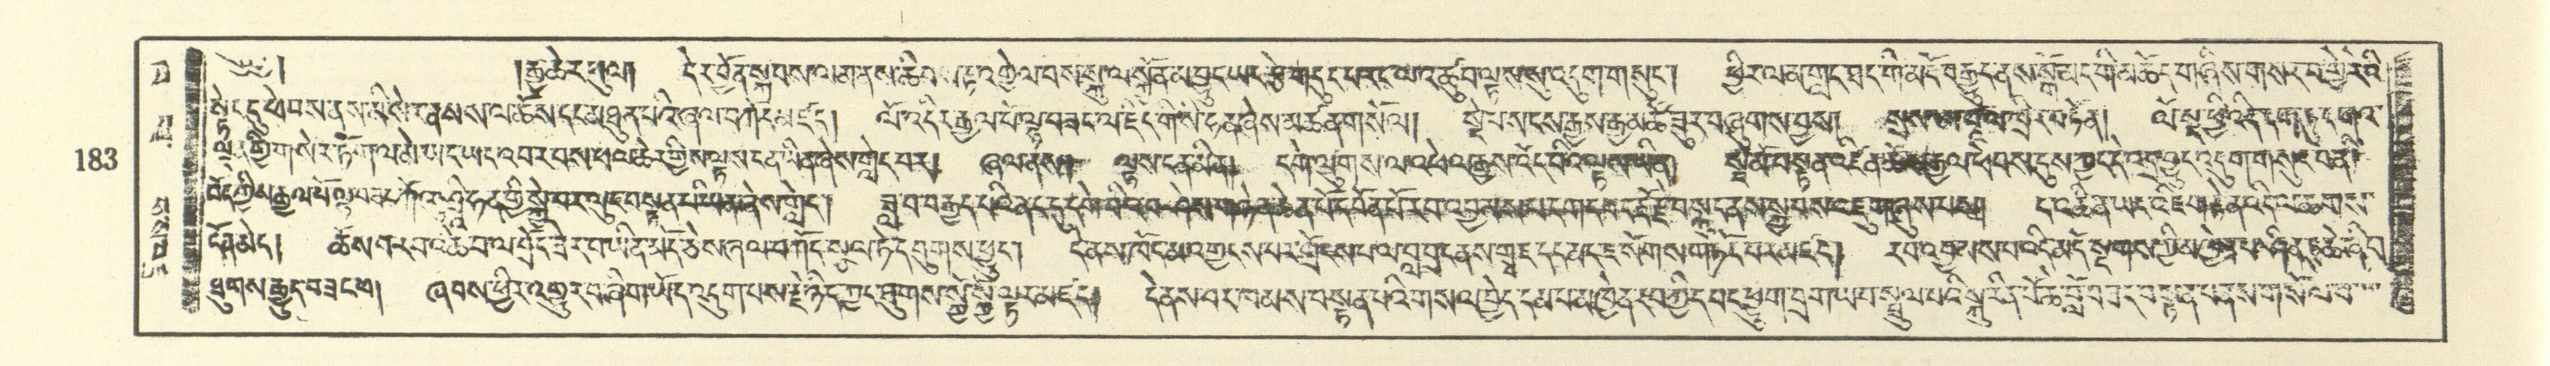༄༅། །རྒྱ་ཆེར་ཕུལ། དེར་བྱོན་སྐབས་ལམ་ནས་ཆིབས་རྟ་འགྱེལ་བས་སྐུ་ལ་སྐྱོན་མ་བྱུང་ཡང་རྩེ་གདུང་པ་རང་ལ་འཚུབ་ལྟས་སུ་འདུག་གསུང་། ཕྱིར་ལམ་གླང་ཐང་གི་མདོ་བརྒྱུད་ནས་སྒོ་མང་གི་མཆོད་གཞིས་གསར་བགྱེ་རེའི་
སྟེང་དུ་ཕེབས་ནས་མི་སེར་རྣམས་ལ་ཆོས་དང་མཐུན་པའི་ཞལ་བཀོད་མཛད། ལོ་འདིར་རྒྱལ་པོ་ལྷ་བཟང་ལ་ཇིད་གི་སི་ཧན་ཞེས་མཚན་གསོལ། སྔེ་པ་སངས་རྒྱས་རྒྱ་མཚོ་ཟུར་བཞུགས་བྱས། སྲས་ཨ་བཱ་ལ་ཁྲིར་བཏོན། ལོ་སྔ་ཕྱི་འདི་དག་ཏུ་དགའ་
ལྡན་གྱི་གསེར་ཏོག་ལ་མེ་ཡང་ཡང་འབར་བས་ཕལ་ཆེར་གྱིས་ལྟས་ངན་ཡིན་ཞེས་གླེང་བར། ཞལ་ནས། ལྟས་ངན་མིན། དགེ་ལུགས་ལ་འཕེལ་རྒྱས་འོད་བའི་ལྟས་ཡིན། སྔ་མོ་བསྟན་འཛིན་ཆོས་རྒྱལ་ཕེབས་དུས་ཀྱང་དེ་འདྲ་བྱུང་འདུག་གསུང་བ་ནི།
དོན་གྱིས་རྒྱལ་པོ་ལྷ་བཟང་ཀོའུ་ཤྲཱི་ཧན་གྱི་སྐྱེ་བར་ལུང་བསྟན་པ་ཡིན་ཞེས་གླེང་། ཟླ་བ་བརྒྱད་པའི་ནང་དུ་དགེ་བའི་བཤེས་གཉེན་ཆེན་པོ་དབོན་པོ་རབ་འབྱམས་པ་དག་དབང་རྡོ་རྗེ་བསྐུད་ནས་སྐྱབས་འཇུག་ཞུས་པས། ད་འཆིན་ཡང་འཇིག་རྟེན་འདི་ལ་ཆགས་
དོན་མེད། ཆོས་པ་རབ་འཆི་བ་ལ་བྲོང་ཟེར་བ་ཡིན་མོད་ཅེས་ཞལ་བཀོད་སྩལ་ཏེ་དབུགས་ཕྱུང་། དེ་ནས་ཁོད་མ་འགྱངས་པར་གྲོངས་པ་ལ་བླ་བྲང་ནས་གྲྭ་ཇ་དང་མང་ཇ་སོགས་གཏོང་བར་མཛད། རབ་འབྱམས་པ་འདི་མདོ་སྔགས་ཀྱི་མཁྱེན་པ་ཤིན་ཏུ་ཆེ་ཞིང་།
ཐུགས་རྒྱུད་བཟང་པ། ཞབས་ཕྱིར་འགྱུར་བ་ཞིག་ཡོད་འདུག་པས་རྗེ་ཉིད་ཀྱང་ཐུགས་སྐྱོ་སྐྱོ་ལྟར་མཛད། དེ་ནས་བར་ཁམས་བསྟན་པའི་གསལ་བྱེད་དམ་པ་མཁྱེན་རབ་ཀྱི་དབང་ཕྱུག་བྲག་ཡབ་སྤྲུལ་པའི་སྐུ་རིན་པོ་ཆེ་བློ་བཟང་བསྟན་པ་ནས་གསོལ་བ་